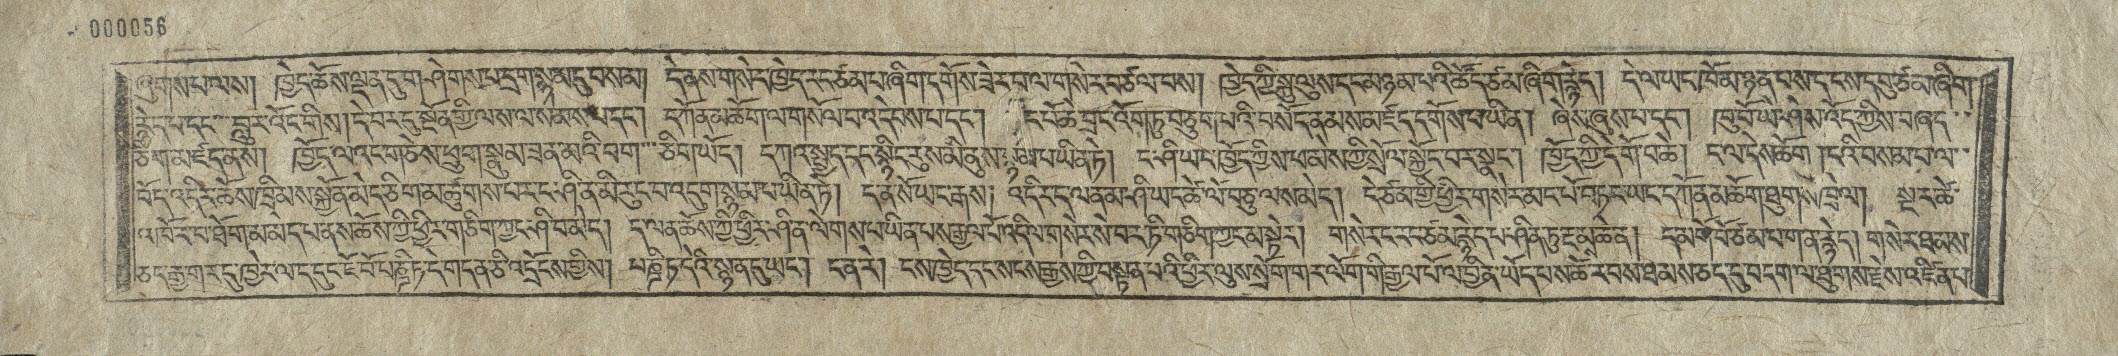ཞུགས་པ་ལས། ཁྱེད་ཆོས་ལྡན་དུ་གཤེགས་པ་དྲག་སྙམ་དུ་བསམ། དེ་ནས་གསེར་ཁྱེད་རང་ཙམ་པ་ཞིག་དགོས་ཟེར་བ་ལ་གསེར་བཙལ་བས། ཁྱེད་ཀྱི་སྐུ་ལུས་དང་མཉམ་པའི་ཚོད་ཙམ་ཞིག་རྙེད། དེ་ལ་ཡང་ཁོ་མ་ཉན་པས་ད་ངས་དབུ་ཙམ་ཞིག་
རྙེད་པ་དང་བླུར་འོང་གིས། དེ་བར་དུ་སྔོན་གྱི་ལས་ལ་སེམས་པ་དང་། དཀོན་མཆོག་ལ་གསོལ་བ་འདེབས་པ་དང་། སྙིང་པོ་ཆེ་བྲང་འོག་ཏུ་བཅུག་པའི་བསོད་ནམས་མཛད་དགོས་པ་ཡིན། ཞེས་ཞུས་པ་དང་། ཁུ་བོ་ཡེ་ཤེས་འོད་ཀྱིས་བཞད་
ཅིག་མཛད་ནས། ཁྱོད་ལའང་གཅེས་ཕྲུག་སྣུམ་ཟན་མའི་བག་ཅིག་ཡོད། དཀའ་སྤྱད་དང་སྙིང་རུས་མི་ནུས་སྙམ་པ་ཡིན་ཏེ། ང་ཤི་ཡང་ཁྱོད་ཀྱིས་ཕ་མེས་ཀྱི་སྲོལ་སྐྱོང་བར་སྣང་། ཁྱོད་ཀྱི་དེ་གོ་བ་ཆེ། ང་ལ་དེས་ཆོག །ངའི་བསམ་པ་ལ་
བོད་འདིར་ཆོས་ཁྲིམས་སྐྱོན་མེད་ཅིག་མ་ཚུགས་པར་ང་ཤི་ན་མི་རུང་བ་འདུག་སྙམ་པ་ཡིན་ཏེ། ད་ན་སོ་ཡང་རྒས། འདིར་ད་ལན་མ་ཤི་ཡང་ཚེ་ལོ་བཅུ་ལས་མེད། དེ་ཙམ་གྱི་ཕྱིར་གསེར་མང་པོ་བཏང་ཡང་དཀོན་མཆོག་ཐུགས་ཁྲེལ། སྔར་ཚེ་
འཁོར་བ་ཐོག་མ་མེད་པ་ནས་ཆོས་ཀྱི་ཕྱིར་གཅིག་ཀྱང་ཤི་བ་མེད། ད་ལན་ཆོས་ཀྱི་ཕྱིར་ཤི་ན་ལེགས་པ་ཡིན་པས་རྒྱལ་པོ་འདི་ལ་གསེར་སེ་བ་ར་ཏི་གཅིག་ཀྱང་མ་སྟེར། གསེར་ང་རང་ཙམ་རྙེད་པ་ཤིན་ཏུ་རྔམས་ཆེ་ན། ད་མགོ་བོ་ཙམ་པ་ག་ན་རྙེད། གསེར་ཐམས་
ཅད་རྒྱ་གར་དུ་ཁྱེར་ལ་ད་དུང་ཇོ་བོ་པཎྜི་ཏ་དེ་གདན་ཅི་འདྲོངས་གྱིས། པཎྜི་ཏ་དེའི་སྙན་དུ་ཡང་། ང་ན་རེ། ངས་ཁྱེད་དང་སངས་རྒྱས་ཀྱི་བསྟན་པའི་ཕྱིར་ལུས་སྲོག་གར་ལོག་གི་རྒྱལ་པོ་ལ་བྱིན་ཡོད་པས་ཚེ་རབས་ཐམས་ཅད་དུ་བདག་ལ་ཐུགས་རྗེས་འཛིན་པ་